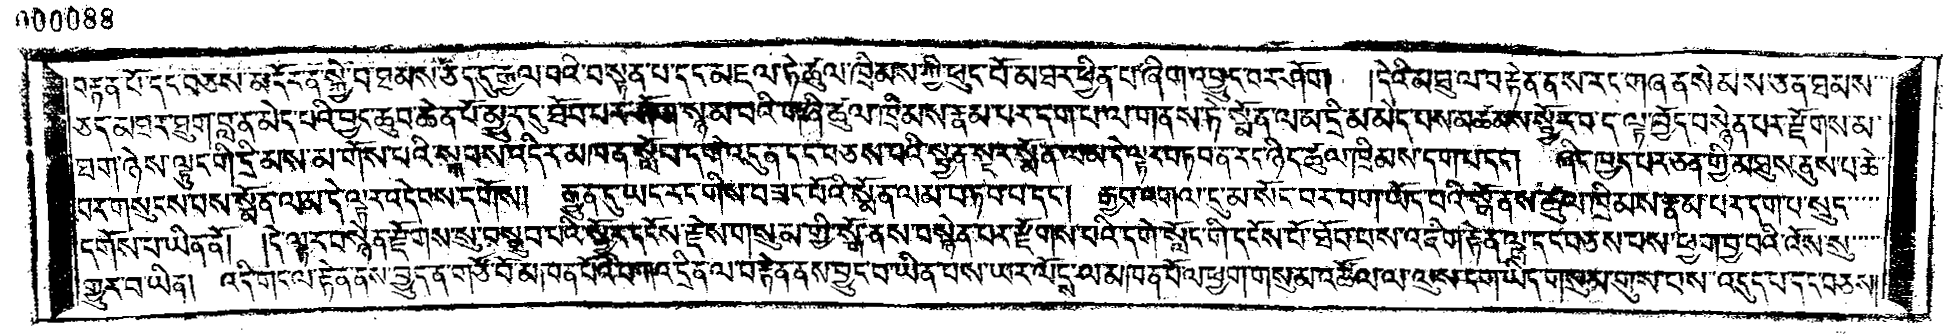བརྟན་པོ་དང་བཅས་མདོར་ན་སྐྱེ་བ་ཐམས་ཅད་དུ་རྒྱལ་བའི་བསྟན་པ་དང་མཇལ་ཏེ་ཚུལ་ཁྲིམས་ཀྱི་ཕུང་པོ་མཐར་ཕྱིན་པ་ཞིག་འབྱུང་བར་ཤོག །དེའི་མཐུ་ལ་བརྟེན་ནས་རང་གཞན་སེམས་ཅན་ཐམས་
ཅད་མཐར་ཐུག་བླ་ན་མེད་པའི་བྱང་ཆུབ་ཆེན་པོ་མྱུར་དུ་ཐོབ་པར་ཤོག་སྙམ་པའི་གཞི་ཚུལ་ཁྲིམས་རྣམ་པར་དག་པ་ལ་གནས་ཏེ་སྨོན་ལམ་དྲི་མ་མེད་པས་མཚམས་སྦྱོར་བ་ད་ལྟ་ཁྱོད་བསྙེན་པར་རྫོགས་མ་
ཐག་ཉེས་ལྟུང་གི་དྲི་མས་མ་གོས་པའི་སྐབས་འདིར་མཁན་སློབ་དགེ་འདུན་དང་བཅས་པའི་སྤྱན་སྔར་སྨོན་ལམ་དེ་ལྟར་བཏབ་ན་རང་ཉིད་ཚུལ་ཁྲིམས་དག་པ་དང་། ཞིང་ཁྱད་པར་ཅན་གྱི་མཐུས་ནུས་པ་ཆེ་
བར་གསུངས་པས་སྨོན་ལམ་དེ་ལྟར་འདེབས་དགོས། རྒྱུན་དུ་ཡང་རང་གིས་བཟང་པོའི་སྨོན་ལམ་བཏབ་པ་དང་། རྒྱབ་འགལ་དུ་མ་སོང་བར་བག་ཡོད་པའི་སྒོ་ནས་ཚུལ་ཁྲིམས་རྣམ་པར་དག་པ་སྲུང་
དགོས་པ་ཡིན་ནོ། །དེ་ལྟར་བསྙེན་རྫོགས་སུ་བསྒྲུབ་པའི་སྦྱོར་དངོས་རྗེས་གསུམ་གྱི་སྒོ་ནས་བསྙེན་པར་རྫོགས་པའི་དགེ་སློང་གི་དངོས་པོ་ཐོབ་པས་འཇིག་རྟེན་ལྷ་དང་བཅས་པས་ཕྱག་བྱ་བའི་འོས་སུ་
གྱུར་པ་ཡིན། འདི་གང་ལ་རྟེན་ནས་བྱུང་ན་གཙོ་བོ་མཁན་པོའི་བཀའ་དྲིན་ལ་བརྟེན་ནས་བྱུང་བ་ཡིན་པས་ཡར་ལོངས་ལ་མཁན་པོ་ལ་ཕྱག་གསུམ་འཚོལ་ལ་ལུས་ངག་ཡིད་གསུམ་གུས་པས་འདུད་པ་དང་བཅས།